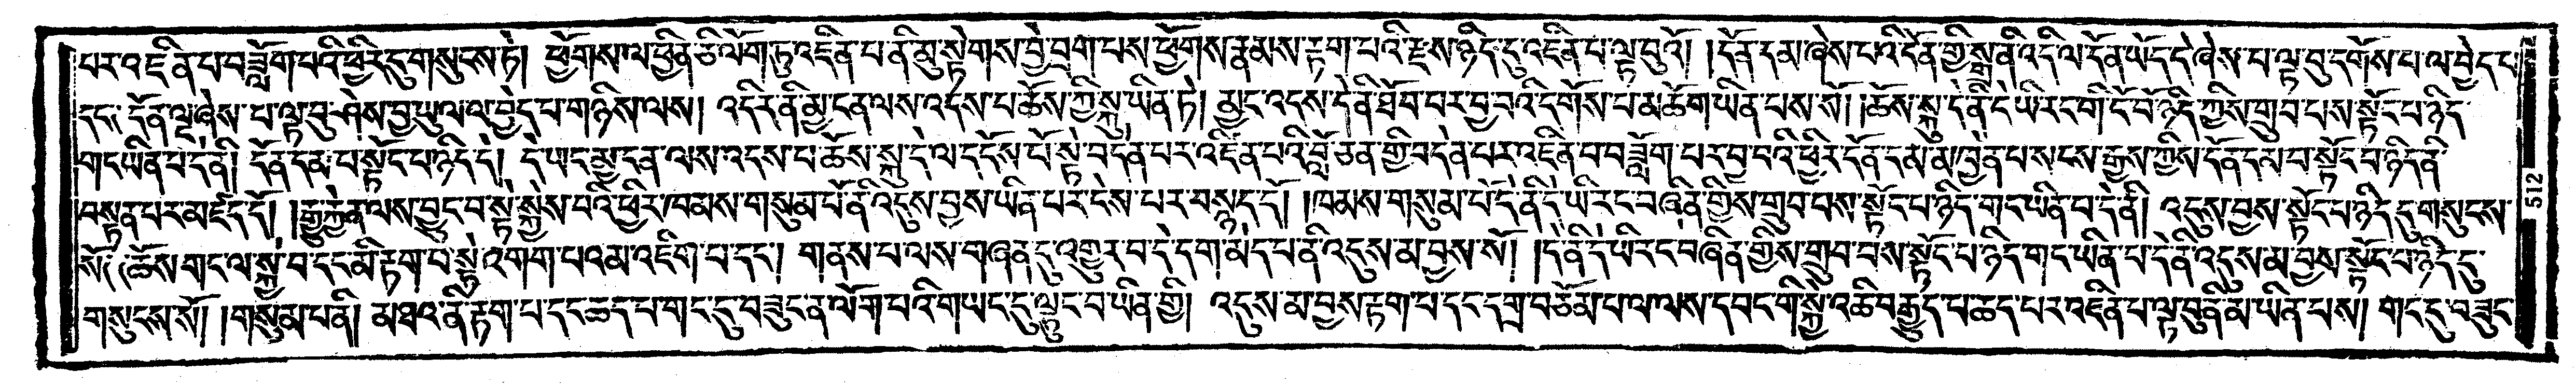པར་འཛིན་པ་བཟློག་པའི་ཕྱིར་དུ་གསུངས་ཏེ། ཕྱོགས་ལ་ཕྱིན་ཅི་ལོག་ཏུ་འཛིན་པ་ནི་མུ་སྟེགས་བྱེ་བྲག་པས་ཕྱོགས་རྣམས་རྟག་པའི་རྫས་ཉིད་དུ་འཛིན་པ་ལྟ་བུའོ། །དོན་དམ་ཞེས་པའི་དོན་གྱི་སྒྲ་ནི་འདི་ལ་དོན་ཡོད་དེ་ཞེས་པ་ལྟ་བུ་དགོས་པ་ལ་བྱེད་པ་
དང༑ དོན་ལྔ་ཞེས་པ་ལྟ་བུ་ཤེས་བྱ་ཡུལ་ལ་བྱེད་པ་གཉིས་ལས། འདིར་ནི་མྱ་ངན་ལས་འདས་པ་ཆོས་ཀྱི་སྐུ་ཡིན་ཏེ། མྱང་འདས་དེ་ནི་ཐོབ་པར་བྱ་བའི་དགོས་པ་མཆོག་ཡིན་པས་སོ། །ཆོས་སྐུ་དེ་ནི་དེ་ཡི་རང་གི་ངོ་བོ་ཉིད་ཀྱིས་གྲུབ་པས་སྟོང་པ་ཉིད་
གང་ཡིན་པ་དེ་ནི། དོན་དམ་པ་སྟོང་པ་ཉིད་དེ། དེ་ཡང་མྱ་ངན་ལས་འདས་པ་ཆོས་སྐུ་དེ་ལ་དངོས་པོ་སྟེ་བདེན་པར་འཛིན་པའི་བློ་ཅན་གྱི་བདེན་པར་འཛིན་པ་བཟློག་པར་བྱ་བའི་ཕྱིར་དོན་དམ་མཁྱེན་པ་སངས་རྒྱས་ཀྱིས་དོན་དམ་པ་སྟོང་པ་ཉིད་ནི་
བསྟན་པར་མཛད་དོ། །རྒྱུ་རྐྱེན་ལས་བྱུང་བ་སྟེ་སྐྱེས་པའི་ཕྱིར་ཁམས་གསུམ་པོ་ནི་འདུས་བྱས་ཡིན་པར་ངེས་པར་བསྙད་དོ། །ཁམས་གསུམ་པོ་དེ་ནི་དེ་ཡི་རང་བཞིན་གྱིས་གྲུབ་པས་སྟོང་པ་ཉིད་གང་ཡིན་པ་དེ་ནི། འདུས་བྱས་སྟོང་པ་ཉིད་དུ་གསུངས་
སོ༑ ༑ཆོས་གང་ལ་སྐྱེ་བ་དང་མི་རྟག་པ་སྟེ་འགག་པའམ་འཇིག་པ་དང་། གནས་པ་ལས་གཞན་དུ་འགྱུར་བ་དེ་དག་མེད་པ་ནི་འདུས་མ་བྱས་སོ། །དེ་ནི་དེ་ཡི་རང་བཞིན་གྱིས་གྲུབ་པས་སྟོང་པ་ཉིད་གང་ཡིན་པ་དེ་ནི་འདུས་མ་བྱས་སྟོང་པ་ཉིད་དུ་
གསུངས་སོ། །གསུམ་པ་ནི། མཐའ་ནི་རྟག་པ་དང་ཆད་པ་གང་དུ་བཟུང་ན་ལོག་པའི་གཡང་དུ་ལྟུང་བ་ཡིན་གྱི། འདུས་མ་བྱས་རྟག་པ་དང་དགྲ་བཅོམ་པ་ལ་ལས་དབང་གི་སྐྱེ་འཆི་བརྒྱུད་པ་ཆད་པར་འཛིན་པ་ལྟ་བུ་ནི་མ་ཡིན་པས། གང་དུ་བཟུང་